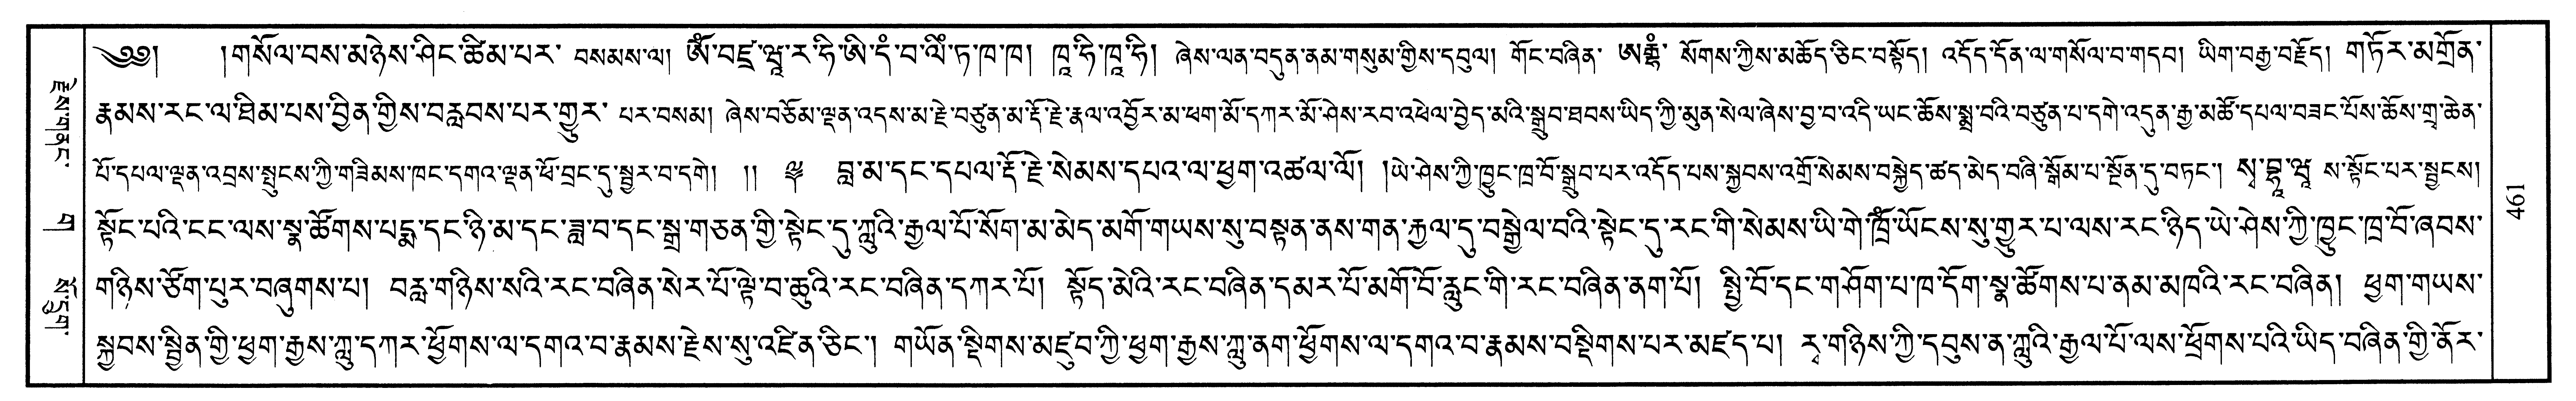༄༅། །གསོལ་བས་མཉེས་ཤིང་ཚིམ་པར་བསམས་ལ། ཨོཾ་བཛྲ་ཝཱ་ར་ཧི་ཨི་དཾ་བ་ལིཾ་ཏ་ཁ་ཁ། ཁཱ་ཧི་ཁཱ་ཧི། ཞེས་ལན་བདུན་ནམ་གསུམ་གྱིས་དབུལ། གོང་བཞིན་ཨརྒྷཾ་སོགས་ཀྱིས་མཆོད་ཅིང་བསྟོད། འདོད་དོན་ལ་གསོལ་བ་གདབ། ཡིག་བརྒྱ་བརྗོད། གཏོར་མགྲོན་
རྣམས་རང་ལ་ཐིམ་པས་བྱིན་གྱིས་བརླབས་པར་གྱུར་པར་བསམ། ཞེས་བཅོམ་ལྡན་འདས་མ་རྗེ་བཙུན་མ་རྡོ་རྗེ་རྣལ་འབྱོར་མ་ཕག་མོ་དཀར་མོ་ཤེས་རབ་འཕེལ་བྱེད་མའི་སྒྲུབ་ཐབས་ཡིད་ཀྱི་མུན་སེལ་ཞེས་བྱ་བ་འདི་ཡང་ཆོས་སྨྲ་བའི་བཙུན་པ་དགེ་འདུན་རྒྱ་མཚོ་དཔལ་བཟང་པོས་ཆོས་གྲྭ་ཆེན་
པོ་དཔལ་ལྡན་འབྲས་སྤུངས་ཀྱི་གཟིམས་ཁང་དགའ་ལྡན་ཕོ་བྲང་དུ་སྦྱར་བ་དགེ། །། ༈ བླ་མ་དང་དཔལ་རྡོ་རྗེ་སེམས་དཔའ་ལ་ཕྱག་འཚལ་ལོ། །ཡེ་ཤེས་ཀྱི་ཁྱུང་ཁྲ་བོ་སྒྲུབ་པར་འདོད་པས་སྐྱབས་འགྲོ་སེམས་བསྐྱེད་ཚད་མེད་བཞི་སྒོམ་པ་སྔོན་དུ་བཏང་། སྭ་བྷཱ་ཝཱ་ས་སྟོང་པར་སྦྱངས།
སྟོང་པའི་ངང་ལས་སྣ་ཚོགས་པདམ་དང་ཉི་མ་དང་ཟླ་བ་དང་སྒྲ་གཅན་གྱི་སྟེང་དུ་ཀླུའི་རྒྱལ་པོ་སོག་མ་མེད་མགོ་གཡས་སུ་བསྟན་ནས་གན་རྐྱལ་དུ་བསྒྱེལ་བའི་སྟེང་དུ་རང་གི་སེམས་ཡི་གེ་ཁྲོཾ་ཡོངས་སུ་གྱུར་པ་ལས་རང་ཉིད་ཡེ་ཤེས་ཀྱི་ཁྱུང་ཁྲ་བོ་ཞབས་
གཉིས་ཙོག་པུར་བཞུགས་པ། བརླ་གཉིས་སའི་རང་བཞིན་སེར་པོ་ལྟེ་བ་ཆུའི་རང་བཞིན་དཀར་པོ། སྟོད་མེའི་རང་བཞིན་དམར་པོ་མགོ་བོ་རླུང་གི་རང་བཞིན་ནག་པོ། །སྤྱི་བོ་དང་གཤོག་པ་ཁ་དོག་སྣ་ཚོགས་པ་ནམ་མཁའི་རང་བཞིན། ཕྱག་གཡས་
སྐྱབས་སྦྱིན་གྱི་ཕྱག་རྒྱས་ཀླུ་དཀར་ཕྱོགས་ལ་དགའ་བ་རྣམས་རྗེས་སུ་འཛིན་ཅིང་། གཡོན་སྡིགས་མཛུབ་ཀྱི་ཕྱག་རྒྱས་ཀླུ་ནག་ཕྱོགས་ལ་དགའ་བ་རྣམས་བསྡིགས་པར་མཛད་པ། རྭ་གཉིས་ཀྱི་དབུས་ན་ཀླུའི་རྒྱལ་པོ་ལས་ཕྲོགས་པའི་ཡིད་བཞིན་གྱི་ནོར་